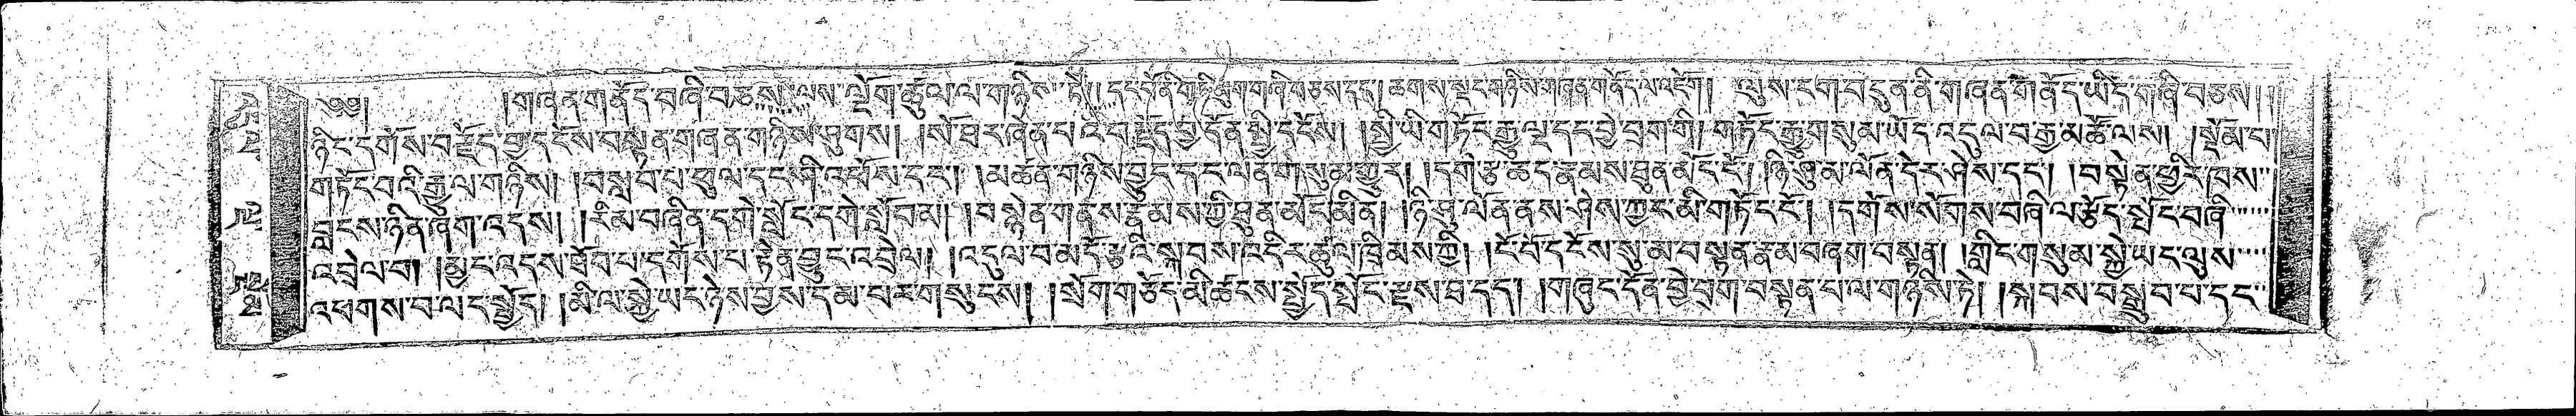༄༅། །གཞན་གནོད་བཞི་བཅས་ལས་ལྡོག་ཚུལ་ལ་གཉིས་ཏེ། །དང་པོ་ནི་གཏི་མུག་གཞི་བཅས་དང་། ཆགས་སྡང་གཉིས་གཞན་གནོད་ལ་འཇོག ། ལུས་ངག་བདུན་ནི་གཞན་གནོད་ཡིད་གཞི་བཅས། །
ཉིང་དགོས་བརྗོད་བྱ་དངོས་བསྟན་གཞན་གཉིས་ཤུགས། །སོ་ཐར་ཞེན་པའི་བརྗོད་བྱ་དོན་སྤྱི་དངོས། །སྤྱི་ཡི་གཏོང་རྒྱུ་ལྔ་དང་བྱེ་བྲག་གི ། གཏོང་རྒྱུ་གསུམ་ཡོད་འདུལ་བ་རྒྱ་མཚོ་ལས། །སྡོམ་པ་
གཏོང་བའི་རྒྱུ་ལ་གཉིས། །བསླབ་པ་ཕུལ་དང་ཤི་འཕོས་དང་། །མཚན་གཉིས་བྱུང་དང་ལན་གསུམ་གྱུར། །དགེ་རྩ་ཆད་རྣམས་ཐུན་མོང་ངོ། །ཉི་ཤུ་མ་ལོན་དེར་ཤེས་དང་། །བསྟེན་ཕྱིར་ཁས་
བླངས་ཉིན་ཞག་འདས། །རིམ་བཞིན་དགེ་སློང་དགེ་སློབ་མ། །བསྙེན་གནས་རྣམས་ཀྱི་ཐུན་མོང་མིན། །ཉི་ཤུ་ལོན་ནས་ཤེས་ཀྱང་མི་གཏོང་ངོ། །དགོས་སོགས་བཞི་ལ་རྩོད་སྤོང་བཞི་
འབྲེལ་བ། །མྱང་འདས་ཐོབ་པ་དགོས་པ་རྟེན་བྱུང་འབྲེལ། །འདུལ་བ་མདོ་རྩའི་སྐབས་འདིར་ཚུལ་ཁྲིམས་ཀྱི། །ངོ་བོ་དངོས་སུ་མ་བསྟན་རྣམ་བཞག་བསྟན། །གླིང་གསུམ་སྐྱེ་ཡང་ལུས་
འཕགས་བ་ལང་སྤྱོད། །མི་ལ་སྐྱེ་ཡང་ཉེས་བྱས་དམ་པར་གསུངས། །སྲོག་གཅོད་མི་ཚངས་སྤྱོད་སྤོང་རྫས་ཐ་དད། །གཞུང་དོན་བྱེ་བྲག་བསྟན་པ་ལ་གཉིས་ཏེ། །སྐབས་བསྒྲུབ་པ་དང་